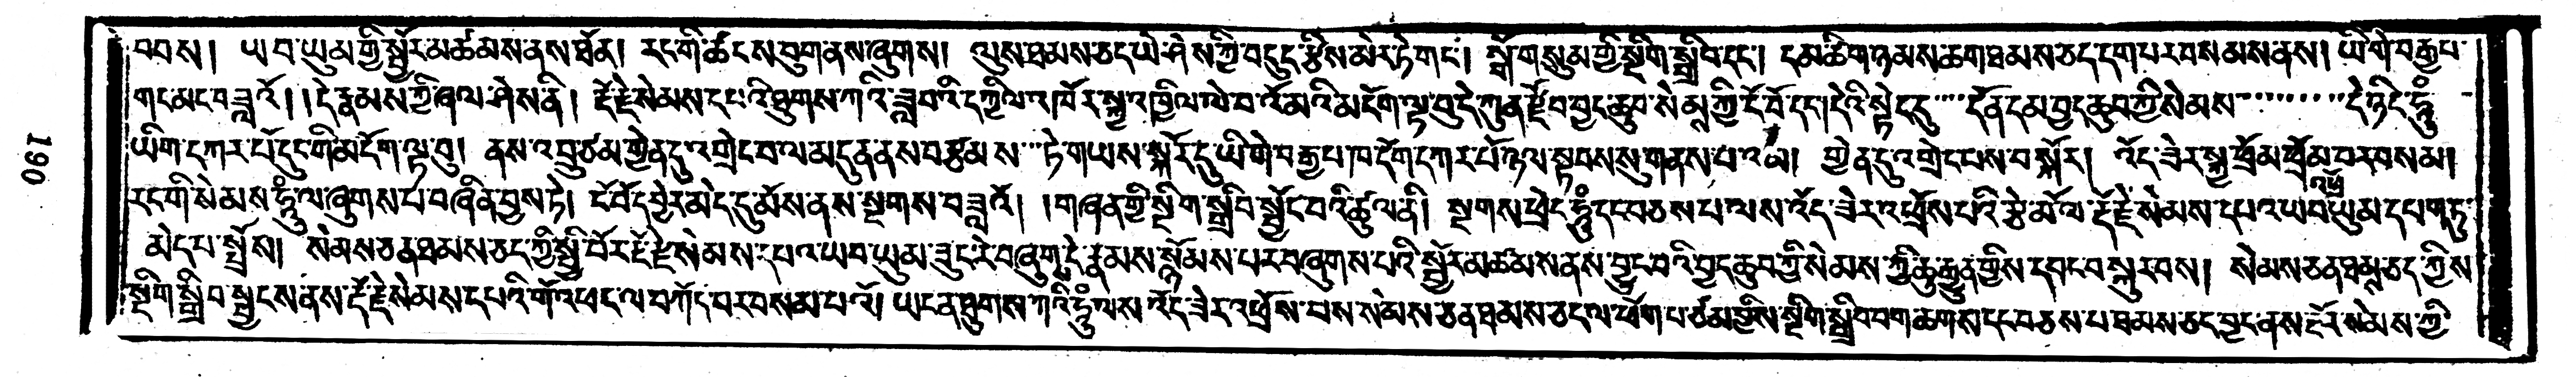བབས། ཡབ་ཡུམ་གྱི་སྦྱོར་མཚམས་ནས་ཐོན། རང་གི་ཚངས་བུག་ནས་ཞུགས། ལུས་ཐམས་ཅད་ཡེ་ཤེས་ཀྱི་བདུད་རྩིས་མེར་ཏེ་གང་། སྒོ་གསུམ་གྱི་སྡིག་སྒྲིབ་དང་། དམ་ཚིག་ཉམས་ཆག་ཐམས་ཅད་དག་པར་བསམས་ནས། ཡི་གེ་བརྒྱབ་
གང་མང་བཟླའོ། །དེ་རྣམས་ཀྱི་ཞལ་ཤེས་ནི། རྡོ་རྗེ་སེམས་དཔའི་ཐུགས་ཀའི་ཟླ་བའི་དཀྱིལ་འཁོར་སྐྱ་འཁྱིལ་ལེ་བ་འོ་མའི་མདོག་ལྟ་བུ་དེ་ཀུན་རྫོབ་བྱང་ཆུབ་སེམས་ཀྱི་ངོ་བོ་དང་། དེའི་སྟེང་དུ་དོན་དམ་བྱང་ཆུབ་ཀྱི་སེམས་དེ་ཉིང་ཧཱུཾ་
ཡིག་དཀར་པོ་དུང་གི་མདོག་ལྟ་བུ། ནས་འབྲུ་ཙམ་གྱེན་དུ་འགྲེང་བ་ལ་མདུན་ནས་བརྩམས་ཏེ་གཡས་སྐོར་དུ་ཡི་གེ་བརྒྱ་པ་ཁ་དོག་དཀར་པོ་ཉལ་སྟབས་སུ་གནས་པ་འམ། གྱེན་དུ་འགྲེང་པས་བསྐོར། འོད་ཟེར་སྐྱ་ཕྲོམ་ཕྲོམ་འཕྲོ་བར་བསམ།
རང་གི་སེམས་ཧཱུཾ་ལ་ཞུགས་པ་བཞིན་བྱས་ཏེ། ངོ་བོ་དབྱེར་མེད་དུ་མོས་ནས་སྔགས་བཟླའོ། །གཞན་གྱི་སྡིག་སྒྲིབ་སྦྱོང་བའི་ཚུལ་ནི། སྔགས་ཕྲེང་ཧཱུཾ་དང་བཅས་པ་ལས་འོད་ཟེར་འཕྲོས་པའི་རྩེ་མོ་ལ་རྡོ་རྗེ་སེམས་དཔའ་ཡབ་ཡུམ་དཔག་ཏུ་
མེད་པ་སྤྲོས། སེམས་ཅན་ཐམས་ཅད་ཀྱི་སྤྱི་བོར་རྡོ་རྗེ་སེམས་དཔའ་ཡབ་ཡུམ་ཟུང་རེ་བཞུགས་དེ་རྣམས་སྙོམས་པར་བཞུགས་པའི་སྦྱོར་མཚམས་ནས་བྱུང་བའི་བྱང་ཆུབ་ཀྱི་སེམས་ཀྱི་ཆུ་རྒྱུན་གྱིས་དབང་བསྐུར་བས། སེམས་ཅན་ཐམས་ཅད་ཀྱིས་
སྡིག་སྒྲིབ་སྦྱངས་ནས་རྡོ་རྗེ་སེམས་དཔའི་གོ་འཕང་ལ་བཀོད་བར་བསམ་པའོ། ཡང་ན་ཐུགས་ཀའི་ཧཱུཾ་ལས་འོད་ཟེར་འཕྲོས་པས་སེམས་ཅན་ཐམས་ཅད་ལ་ཕོག་པ་ཙམ་བྱིས་སྡིག་སྒྲིབ་བག་ཆགས་དང་བཅས་པ་ཐམས་ཅད་བྱང་ནས་རྔོར་སེམས་ཀྱི་